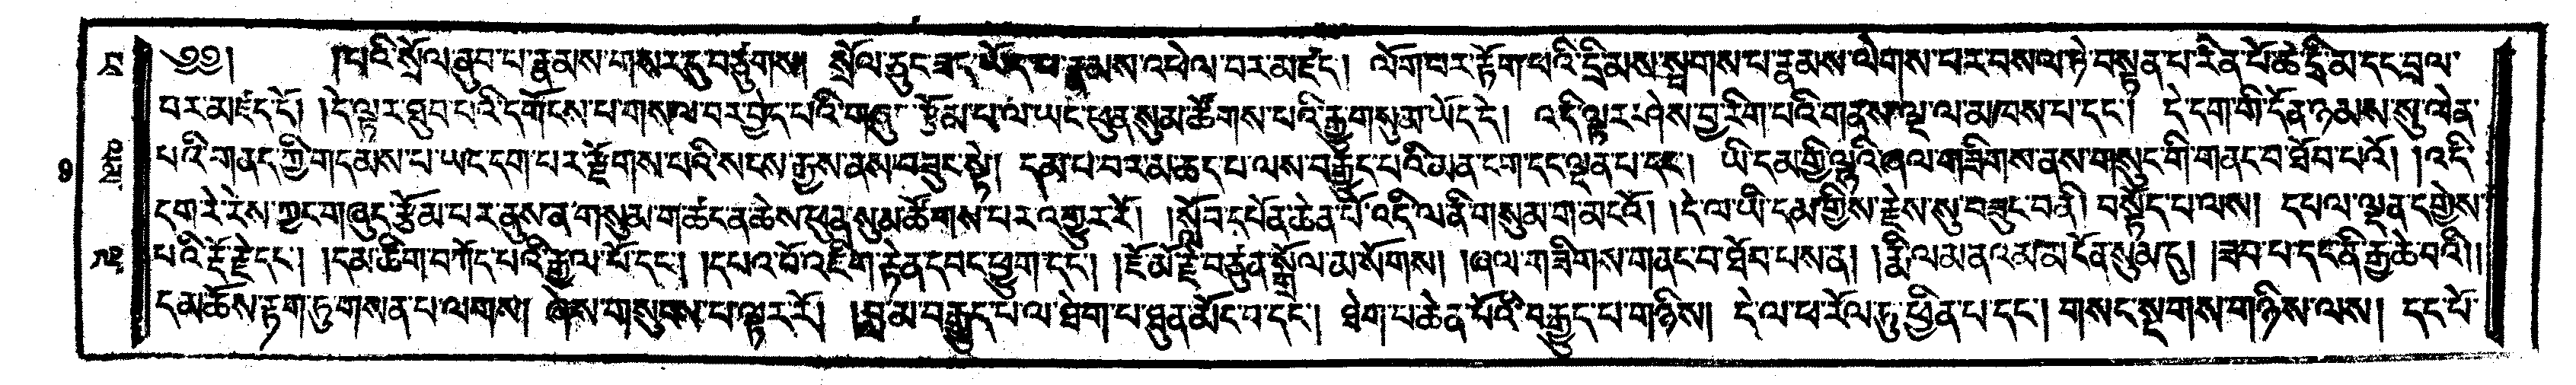༄༅། །པའི་སྲོལ་ནུབ་པ་རྣམས་གསར་དུ་བཙུགས། སྲོལ་ཅུང་ཟད་ཡོད་པ་རྣམས་འཕེལ་བར་མཛད། ལོག་པར་རྟོག་པའི་དྲི་མས་སྦགས་པ་རྣམས་ལེགས་པར་བསལ་ཏེ་བསྟན་པ་རིན་པོ་ཆེ་དྲི་མ་དང་བྲལ་
པར་མཛད་དོ། །དེ་ལྟར་ཐུབ་པའི་དགོངས་པ་གསལ་བར་བྱེད་པའི་གཞུང་རྩོམ་པ་ལ་ཡང་ཕུན་སུམ་ཚོགས་པའི་རྒྱུ་གསུམ་ཡོད་དེ། འདི་ལྟར་ཤེས་བྱ་རིག་པའི་གནས་ལྔ་ལ་མཁས་པ་དང་། དེ་དག་གི་དོན་ཉམས་སུ་ལེན་
པའི་གནད་ཀྱི་གདམས་པ་ཡང་དག་པར་རྫོགས་པའི་སངས་རྒྱས་ནས་བཟུང་སྟེ། དམ་པ་བར་མ་ཆད་པ་ལས་བརྒྱུད་པའི་མན་ངག་དང་ལྡན་པ་དང་། ཡི་དམ་གྱི་ལྷའི་ཞལ་གཟིགས་ནས་གསུང་གི་གནང་བ་ཐོབ་པའོ། །འདི་
དག་རེ་རེས་ཀྱང་གཞུང་རྩོམ་པར་ནུས་ན་གསུམ་ག་ཚང་ན་ཆེས་ཕུན་སུམ་ཚོགས་པར་འགྱུར་རོ། །སློབ་དཔོན་ཆེན་པོ་འདི་ལ་ནི་གསུམ་ག་མངའོ། །དེ་ལ་ཡི་དམ་གྱིས་རྗེས་སུ་བཟུང་བ་ནི། བསྟོད་པ་ལས། དཔལ་ལྡན་དགྱེས་
པའི་རྡོ་རྗེ་དང་། །དམ་ཚིག་བཀོད་པའི་རྒྱལ་པོ་དང་། །དཔའ་བོ་འཇིག་རྟེན་དབང་ཕྱུག་དང་། །ཇོ་མོ་རྗེ་བཙུན་སྒྲོལ་མ་སོགས། །ཞལ་གཟིགས་གནང་བ་ཐོབ་པས་ན། །རྨི་ལམ་ནའམ་མངོན་སུམ་དུ། །ཟབ་པ་དང་ནི་རྒྱ་ཆེ་བའི།།
དམ་ཆོས་རྟག་ཏུ་གསན་པ་ལགས། ཞེས་གསུངས་པ་ལྟར་རོ། །བླ་མ་བརྒྱུད་པ་ལ་ཐེག་པ་ཐུན་མོང་བ་དང་། ཐེག་པ་ཆེན་པོའི་བརྒྱུད་པ་གཉིས། དེ་ལ་ཕ་རོལ་ཏུ་ཕྱིན་པ་དང་། གསང་སྔགས་གཉིས་ལས། དང་པོ་